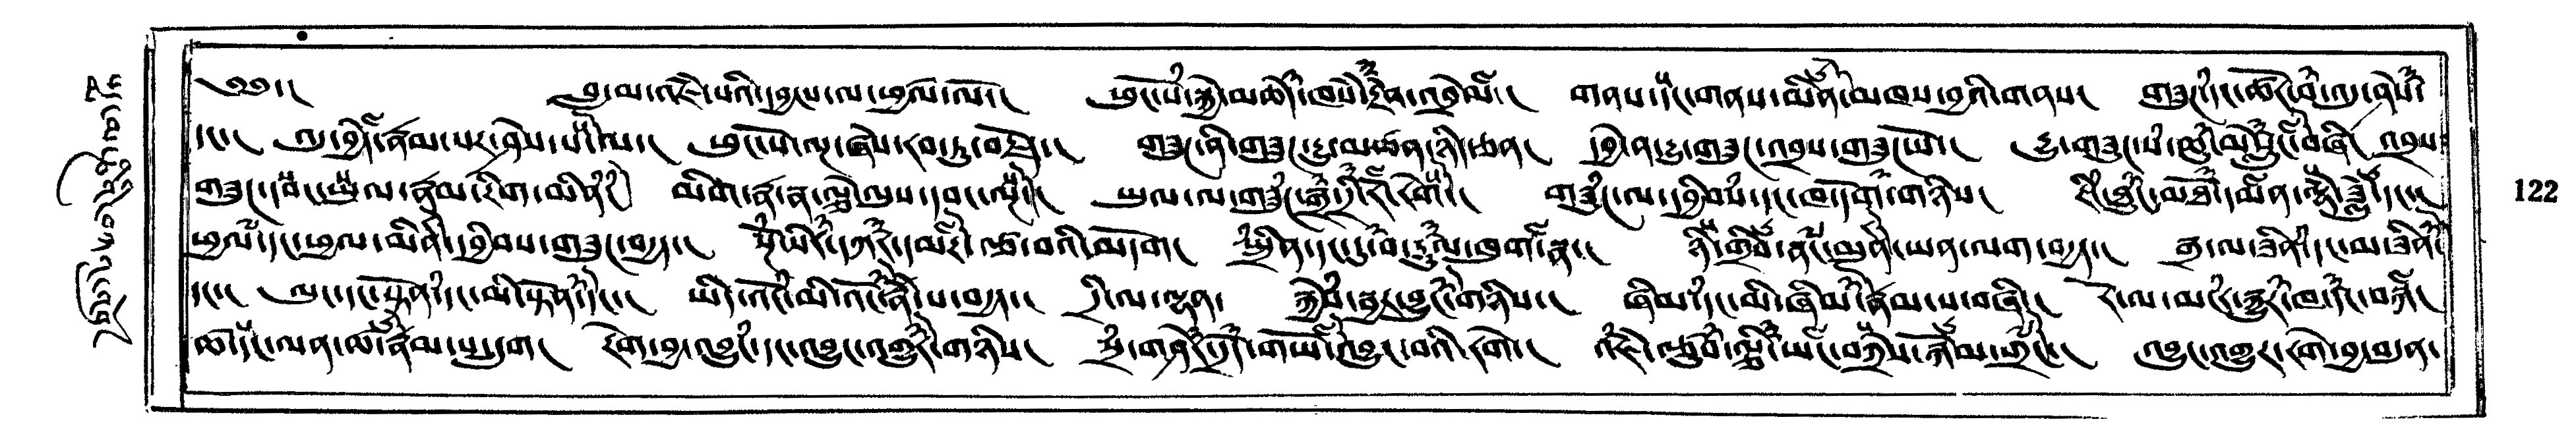0(10000010000བླ་མ་འཇམ་པའི་དབྱངས་ལ་ཕྱག་འཚལ་ལོ། །ཕུང་པོ་སྐྱེ་མཆེད་ཁམས་རྟེན་འབྲེལ། །གནས་དང་གནས་མིན་མཁས་བྱའི་གནས། །གཟུགས་དང་ཚོར་བ་འདུ་ཤེས་
དང་། །འདུ་བྱེད་རྣམ་པར་ཤེས་པ་ལ། །ཕུང་པོ་ལྔ་ཞེས་རབ་ཏུ་བརྗོད། །གཟུགས་ནི་གཟུགས་འུང་མཚན་ཉིད་ཅན། །དབྱེ་ན་རྒྱུ་གཟུགས་འབྲས་གཟུགས་སོ། །རྒྱུ་གཟུགས་ས་ཆུ་མེ་རླུང་བཞི། །འབྲས་
གཟུགས་དབང་ཡུལ་རྣམ་རིག་མིན། །མིག་རྣ་སྣ་ལྕེ་ལུས་དབང་ལྔ། །ཡུལ་ལ་གཟུགས་སྒྲ་དྲི་རོ་རེག །གཟུགས་ལ་དབྱིབས་དང་ཁ་དོག་གཉིས། །རིང་ཐུང་མཐོ་དམན་ལྷམ་ཟླུམ་དང་། །
ཕྱལ་དང་ཕྱལ་མིན་དབྱིབས་གཟུགས་བརྒྱད། །སྔོ་སེར་དཀར་དམར་རྩ་བའི་མདོག །སྤྲིན་དང་དུ་བ་རྡུལ་ཁུག་སྣ། །ཉི་སྒྲིབ་སྣང་མུན་ཡན་ལག་བརྒྱད། །སྒྲ་ལ་ཟིན་དང་མ་ཟིན་
དང་། །ལུང་དུ་སྟོན་དང་མི་སྟོན་དང་། །ཡིད་འོང་མི་འོང་རྣམ་པ་བརྒྱད། །དྲི་ལ་ལྷན་སྐྱེས་སྦྱར་བྱུང་གཉིས། །ཞིམ་དང་མི་ཞིམ་རྣམ་པ་བཞི། །རོ་ལ་མངར་སྐྱུར་ཁ་དང་བསྐ། །
ཚ་དང་ལན་ཚྭ་རྣམ་པ་དྲུག རེག་བྱ་འབྱུང་དང་འབྱུང་འགྱུར་གཉིས། །སྲ་གཤེར་དྲོད་གཡོ་འབྱུང་བའི་རེག །འཇམ་རྩུབ་ལྕི་ཡང་བཀྲེས་སྐོམ་གྲང་། །འབྱུང་འགྱུར་རེག་བྱ་བདུན་